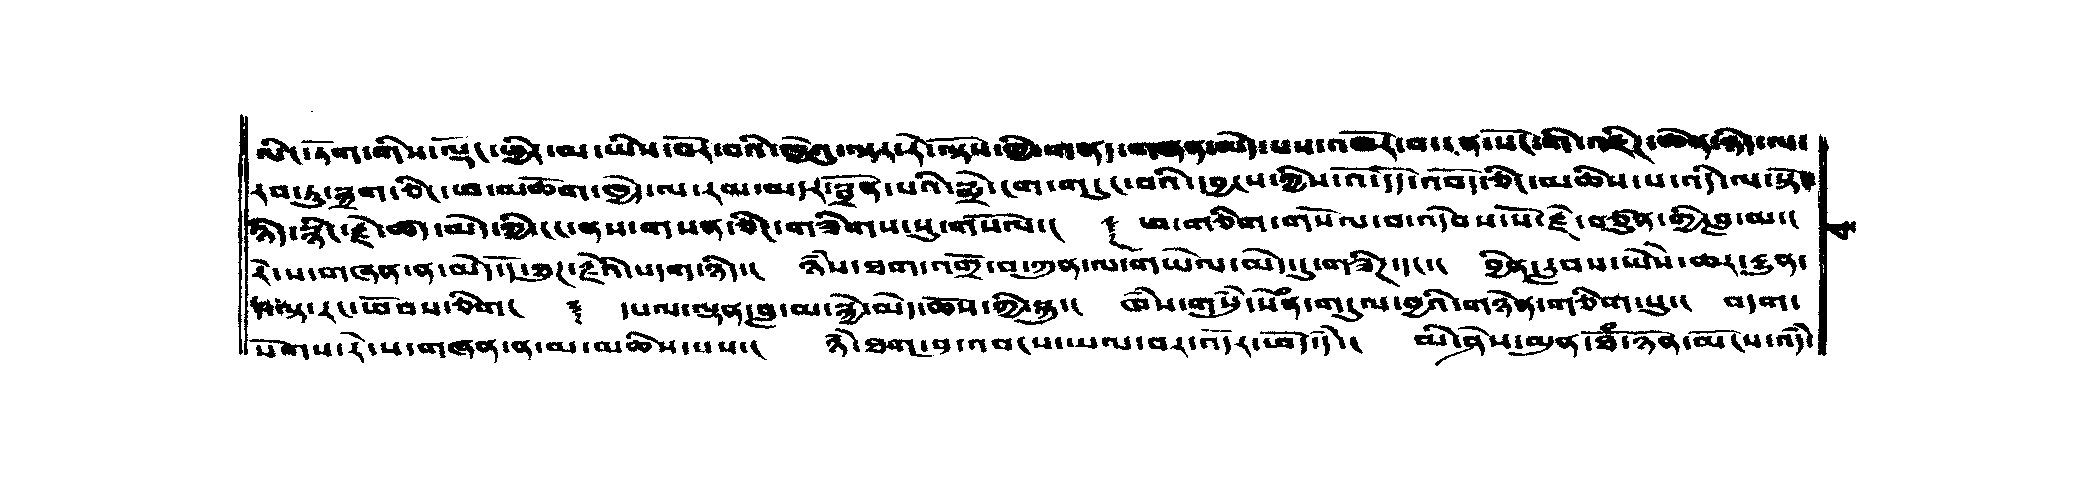ལིང་ཏོག་གིས་ལྡོངས་ཕྱིར་མ་ཡིས་བོར་བའི་ཁྱེའུ་ལྟར་རེ་ལྟོས་ཀྱི་གནས་གཞན་མེད་པས་འཁོར་བ་ངན་སོང་གི་འཇིགས་ཆེན་ཉིད་ལ་
རབ་ཏུ་སྐྲག་ཅིང་ཕ་མཆོག་ཁྱེད་ལ་ར་མདར་སྦྲོན་པའི་སྨྲེ་ངག་གདུང་བའི་དབྱངས་ཀྱིས་འོ་དོད་འབོད་ཅིང་མཆིས་པ་འདི་ལ་སྟོང་
ཉིད་སྙིང་རྗེ་ཚད་མེད་ཀྱི་ངང་ནས་གསན་ཅིང་གཟིགས་སུ་གསོལ། ༈ ཕ་གཅིག་གསོལ་བ་འདེབས་སོ་རྗེ་བཙུན་གྱི་བླ་མ། །
རེ་ས་གཞན་ན་མེད་དོ་ཐུགས་རྗེ་ཡི་བདག་ཉིད། །ཉམས་ཐག་འགྲོ་བ་ཀུན་ལ་གཡེལ་མེད་དུ་གཟིགས་དང་། །བྱིན་རླབས་ཡེ་ཤེས་ཆར་རྒྱུན་
ད་ལྟ་རང་ཕོབས་ཤིག༈ དཔལ་ལྡན་བླ་མ་སྐྱེ་མེད་ཆོས་ཀྱི་སྐུ། །ཁམས་གསུམ་སེམས་ཅན་གདུལ་བྱའི་གཉེན་གཅིག་པུ། །བདག་
སོགས་རེ་ས་གཞན་ན་མ་མཆིས་པས། །ཉམས་ཐག་བུ་འབངས་ཡལ་བར་འདོར་ཕོད་དམ། །མི་ཤེས་མུན་ཐོམས་ཉོན་མོངས་འདམ་